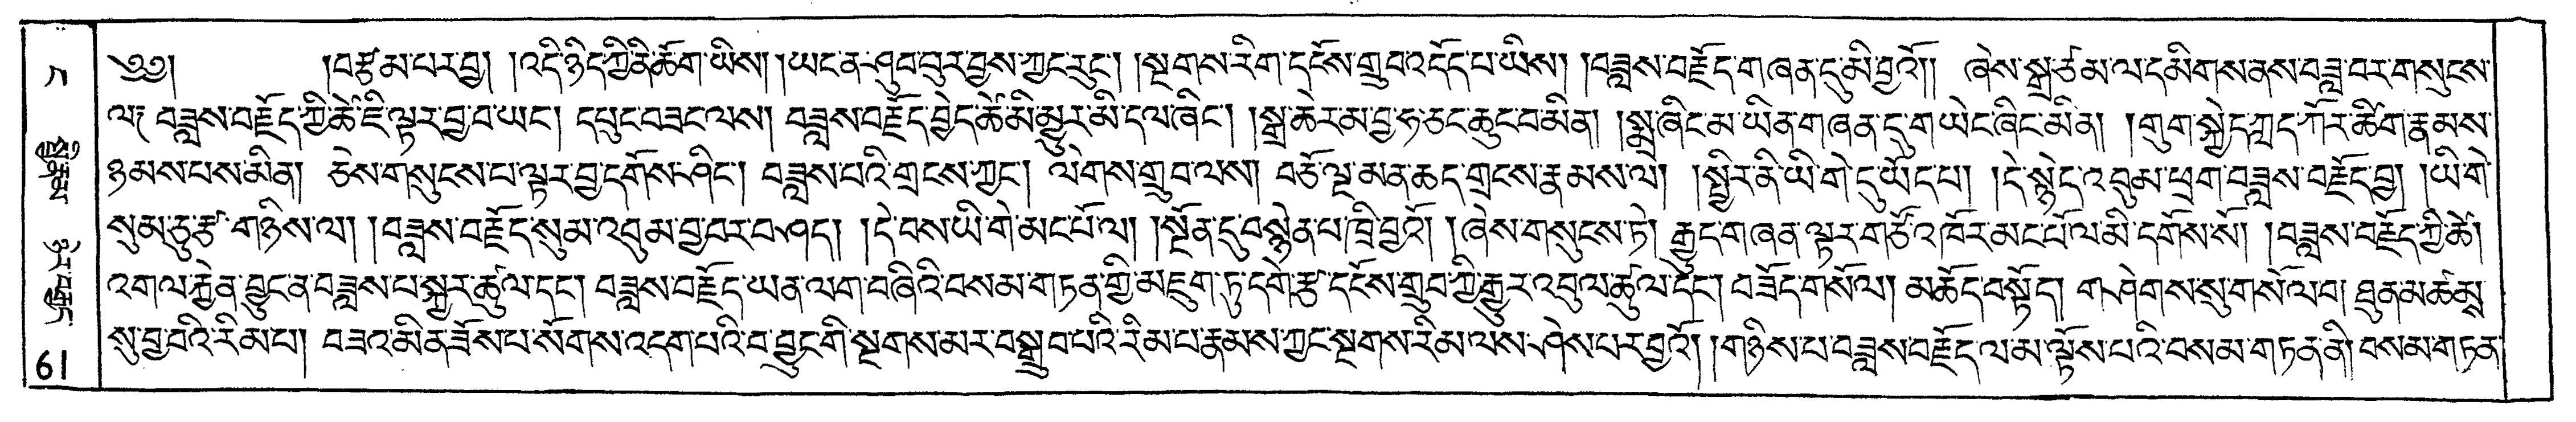༄༅། །བརྩམ་པར་བྱ། །འདི་ཉིད་ཀྱི་ནི་ཆོ་ག་ཡིས། །ཡང་ན་ཤུབ་བུར་བྱས་ཀྱང་རུང་། །སྔགས་རིག་དངོས་གྲུབ་འདོད་པ་ཡིས། །བཟླས་བརྗོད་གཞན་དུ་མི་བྱའོ། །ཞེས་སྒྲ་ཙམ་ལ་དམིགས་ནས་བཟླ་བར་གསུངས་
ལ། བཟླས་བརྗོད་ཀྱི་ཚེ་ཇི་ལྟར་བྱ་བ་ཡང་། དཔུང་བཟང་ལས། བཟླས་བརྗོད་བྱེད་ཚེ་མི་མྱུར་མི་དལ་ཞིང་། །སྒྲ་ཆེར་མ་བྱ་ཧ་ཅང་ཆུང་བ་མིན། །སྨྲ་ཞིང་མ་ཡིན་གཞན་དུ་གཡེང་ཞིང་མིན། །གུག་སྐྱེད་ཀླད་ཀོར་ཚིག་རྣམས་
ཉམས་པས་མིན། ཅེས་གསུངས་པ་ལྟར་བྱ་དགོས་ཤིང་། བཟླས་པའི་གྲངས་ཀྱང་། ལེགས་གྲུབ་ལས། བཅོ་ལྔ་མན་ཆད་གྲངས་རྣམས་ལ། །སྤྱིར་ནི་ཡི་གེ་དུ་ཡོད་པ། །དེ་སྙེད་འབུམ་ཕྲག་བཟླས་བརྗོད་བྱ། །ཡི་གེ་
སུམ་ཅུ་རྩ་གཉིས་ལ། །བཟླས་བརྗོད་སུམ་འབུམ་བྱ་བར་བཤད། །དེ་བས་ཡི་གེ་མང་པོ་ལ། །སྔོན་དུ་བསྙེན་པ་ཁྲི་བྱའོ། །ཞེས་གསུངས་ཏེ། རྒྱུད་གཞན་ལྟར་གཙོ་འཁོར་མང་པོ་ལ་མི་དགོས་སོ། །བཟླས་བརྗོད་ཀྱི་ཚེ།
འགལ་རྐྱེན་བྱུང་ན་བཟླས་པ་སྐྱར་ཚུལ་དང་། བཟླས་བརྗོད་ཡན་ལག་བཞིའི་བསམ་གཏན་གྱི་མཇུག་ཏུ་དགེ་རྩ་དངོས་གྲུབ་ཀྱི་རྒྱུར་འབུལ་ཚུལ་དང་། བཟོད་གསོལ། མཆོད་བསྟོད། གཤེགས་སུ་གསོལ་བ། ཐུན་མཚམས་
སུ་བྱ་བའི་རིམ་པ། བཟའ་མིན་ཟོས་པ་སོགས་འདག་པའི་བ་བྱུང་གི་སྔགས་མར་བསྒྲུབ་པའི་རིམ་པ་རྣམས་ཀྱང་སྔགས་རིམ་ལས་ཤེས་པར་བྱའོ། །གཉིས་པ་བཟླས་བརྗོད་ལ་མ་ལྟོས་པའི་བསམ་གཏན་ནི། བསམ་གཏན་